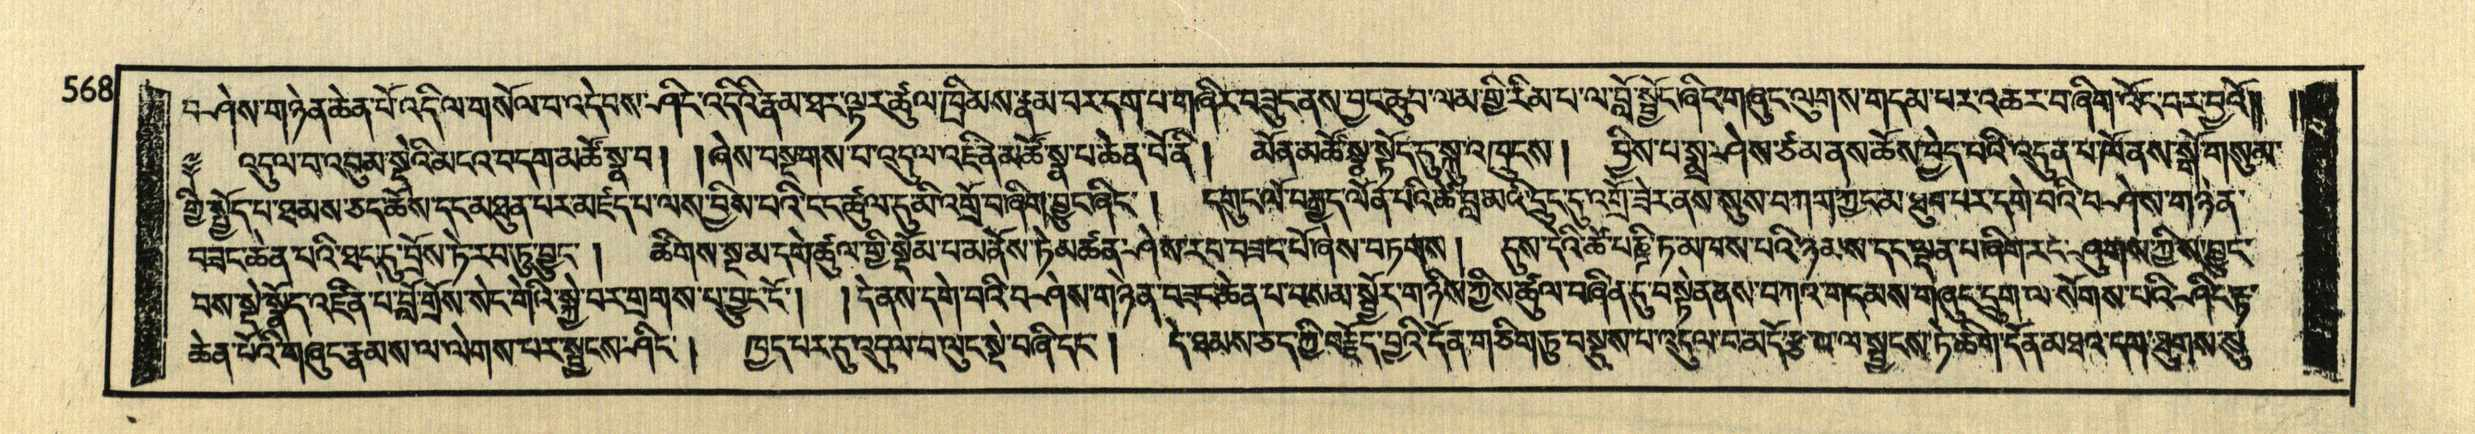བཤེས་གཉེན་ཆེན་པོ་འདི་ལ་གསོལ་བ་འདེབས་ཤིང་འདིའི་རྣམ་ཐར་ལྟར་ཚུལ་ཁྲིམས་རྣམ་པར་དག་པ་གཞིར་བཟུང་ནས་བྱང་ཆུབ་ལམ་གྱི་རིམ་པ་ལ་བློ་སྦྱོང་ཞིང་གཞུང་ལུགས་གདམ་པར་འཆར་བ་ཞིག་འོང་བར་བྱའོ།། །།
༈ འདུལ་བ་འབུམ་སྡེའི་མངའ་བདག་མཚོ་སྣ་བ། །ཞེས་བསྔགས་པ་འདུལ་འཛིན་མཚོ་སྣ་པ་ཆེན་པོ་ནི། མོན་མཚོ་སྣ་སྟོད་དུ་སྐུ་འཁྲུངས། བྱིས་པ་སྨྲ་ཤེས་ཙམ་ནས་ཆོས་བྱེད་པའི་འདུན་པ་ཁོ་ནས་སྒོ་གསུམ་
གྱི་སྤྱོད་པ་ཐམས་ཅད་ཆོས་དང་མཐུན་པར་མཛད་པ་ལས་བྱིས་པའི་ངང་ཚུལ་དུ་མི་འགྲོ་བ་ཞིག་བྱུང་ཞིང་། དགུང་ལོ་བརྒྱད་ལོན་པའི་ཚེ་བླ་མའི་དྲུང་དུ་འགྲོ་ཟེར་ནས་སུས་བཀག་ཀྱང་མ་ཐུབ་པར་དགེ་བའི་བཤེས་གཉེན་
བཟང་ཆེན་པའི་ཐད་དུ་བྲོས་ཏེ་རབ་ཏུ་བྱུང་། ཚིགས་སྔ་མ་དགེ་ཚུལ་གྱི་སྡོམ་པ་མ་ནོས་ཏེ་མཚན་ཤེས་རབ་བཟང་པོ་ཞེས་བཏགས། དུས་དེའི་ཚེ་པཎྜི་ཏ་མཁས་པའི་ཉམས་དང་ལྡན་པ་ཞིག་རང་ཤུགས་ཀྱིས་བྱུང་
བས་སྡེ་སྣོད་འཛིན་པ་བློ་གྲོས་སེང་གེའི་སྐྱེ་བར་གྲགས་པ་བྱུང་ངོ། །དེ་ནས་དགེ་བའི་བཤེས་གཉེན་བཟང་ཆེན་པ་བསམ་སྦྱོར་གཉིས་ཀྱིས་ཚུལ་བཞིན་དུ་བསྟེན་ནས་བཀའ་གདམས་གཞུང་དྲུག་ལ་སོགས་པའི་ཤིང་རྟ་
ཆེན་པོའི་གཞུང་རྣམས་ལ་ལེགས་པར་སྦྱངས་ཤིང་། ཁྱད་པར་དུ་འདུལ་བ་ལུང་སྡེ་བཞི་དང་། དེ་ཐམས་ཅད་ཀྱི་བརྗོད་བྱའི་དོན་གཅིག་ཏུ་བསྡུས་པ་འདུལ་བ་མདོ་རྩ་བ་ལ་སྦྱངས་ཏེ་ཚིག་དོན་མཐའ་དག་ཐུགས་སུ་